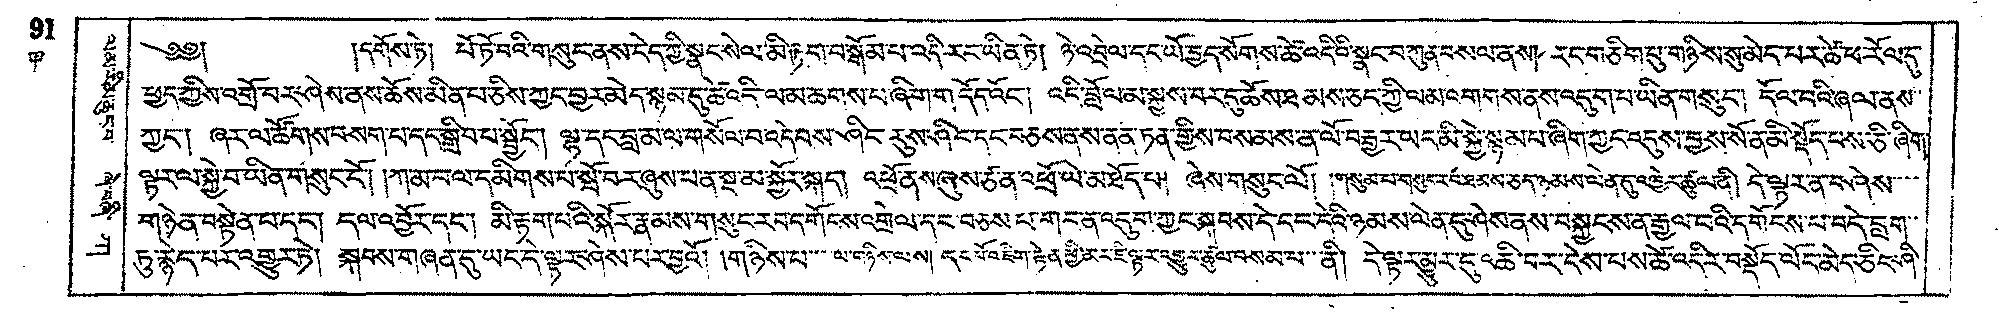༄༅། །དགོས་ཏེ། པོ་ཏོ་བའི་གསུང་ནས་ངེད་ཀྱི་སྣང་སེལ་མི་རྟག་པ་སྒོམ་པ་འདི་རང་ཡིན་ཏེ། ཉེ་འབྲེལ་དང་ཡོ་བྱད་སོགས་ཚེ་འདིའི་སྣང་བ་ཀུན་བསལ་ནས། རང་གཅིག་པུ་གཉིས་སུ་མེད་པར་ཚེ་ཕ་རོལ་དུ་
ཕྱད་ཀྱིས་འགྲོ་བར་ཤེས་ནས་ཆོས་མིན་པ་ཅིས་ཀྱང་བྱར་མེད་སྙམ་དུ་ཚེ་འདི་ལ་མ་ཆགས་པ་ཞིག་གདོད་འོང་། འདི་བློ་ལ་མ་སྐྱས་པར་དུ་ཆོས་ཐམས་ཅད་ཀྱི་ལམ་འགགས་ནས་འདུག་པ་ཡིན་གསུང་། དོལ་པའི་ཞལ་ནས་
ཀྱང་། ཞར་ལ་ཚོགས་བསག་པ་དང་སྒྲིབ་པ་སྦྱོང་། ལྷ་དང་བླ་མ་ལ་གསོལ་བ་འདེབས་ཤིང་རུས་ཤིང་དང་བཅས་ནས་ནན་ཏན་གྱིས་བསམས་ན་ལོ་བརྒྱར་ཡང་མི་སྐྱེ་སྙམ་པ་ཞིག་ཀྱང་འདུས་བྱས་སོ་ན་མི་སྡོད་པས་ཅི་ཞིག་
ལྟར་ལ་སྐྱེ་བ་ཡིན་གསུང་ངོ། །ཀ་མ་བ་ལ་དམིགས་པ་སྤོ་བར་ཞུས་པ་ན་སྔ་མ་སྐྱོར་སྐད། འཕྲོ་ནས་ཞུས་ཙ་ན་འཕྲོ་ཡེ་མ་ཐོད་པ། ཞེས་གསུངས་ལོ། །གསུམ་པ་གསུང་རབ་ཐམས་ཅད་ཉམས་ལེན་དུ་འཁྱེར་ཚུལ་ནི།  དེ་ལྟར་ན་བཤེས་
གཉེན་བསྟེན་པ་དང་། དལ་འབྱོར་དང་། མི་རྟག་པའི་སྐོར་རྣམས་གསུང་རབ་དགོངས་འགྲེལ་དང་བཅས་པ་གང་ན་འདུག་ཀྱང་སྐབས་དེ་དང་དེའི་ཉམས་ལེན་དུ་ཤེས་ནས་བསྐྱངས་ན་རྒྱལ་བའི་དགོངས་པ་བདེ་བླག་
ཏུ་རྙེད་པར་འགྱུར་ཏེ། སྐབས་གཞན་དུ་ཡང་དེ་ལྟར་ཤེས་པར་བྱའོ། །གཉིས་པལ་གཉིས་ལས། དང་པོ་འཇིག་རྟེན་ཕྱི་མར་ཇི་ལྟར་འགྱུར་ཚུལ་བསམས་པནི། དེ་ལྟར་མྱུར་དུ་འཆི་བར་ངེས་པས་ཚེ་འདིར་བསྡོད་ལོང་མེད་ཅིང་ཤི་